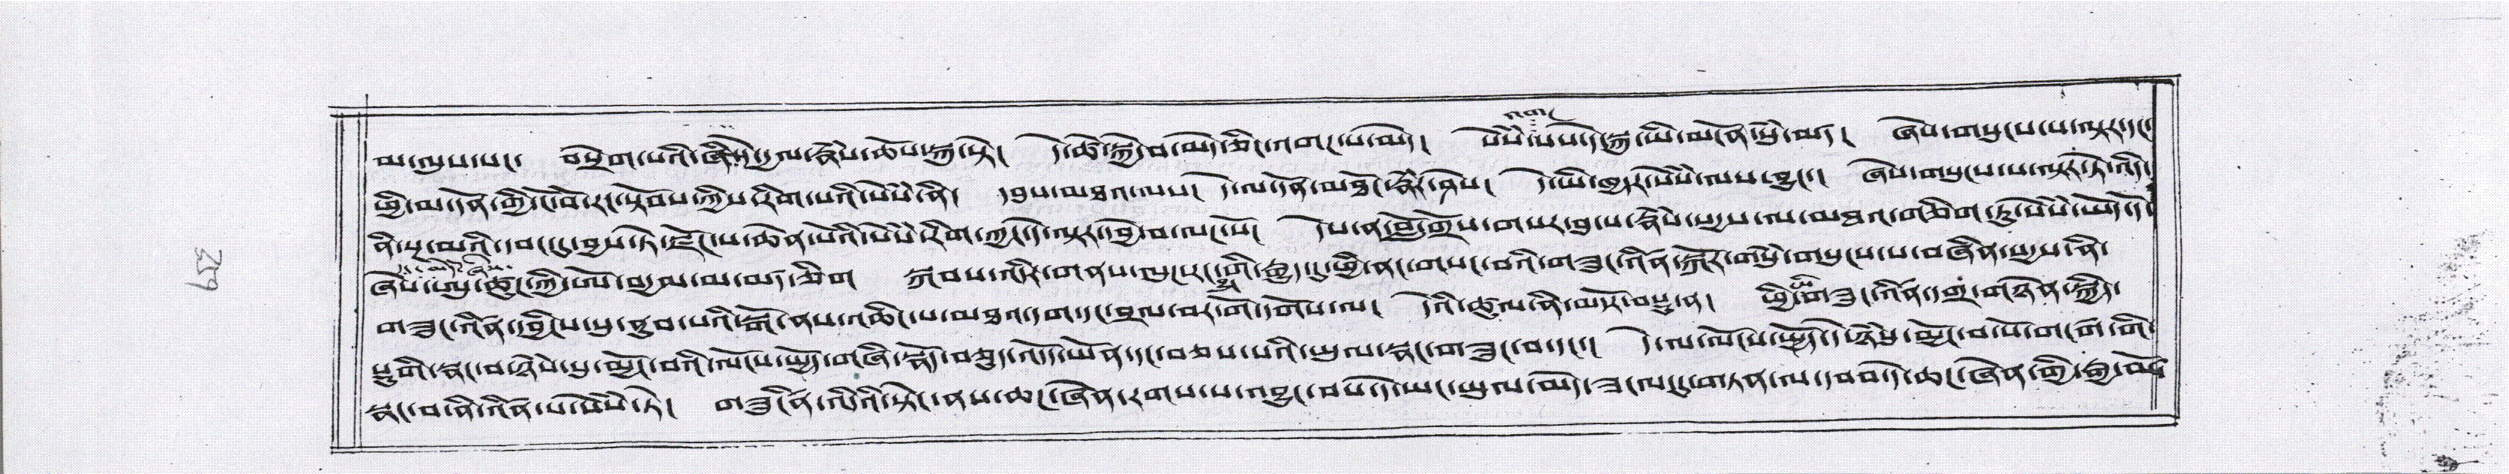མ་ལུས་པར། བསྲེག་པའི་ཞི་དེ་རྒྱལ་རྣམས་ཆོས་སྐུ་སྟེ། དེ་ཚེ་སྐྱེ་བ་མེད་ཅིང་འགགས་པ་མེད། སེམས་འགགས་པས་དེ་སྐུ་ཡི་མངོན་སུམ་མཛད། ཞེས་གསུངས་པ་ལྟར་དང་
ཕྱི་མ་དོན་གྱི་ངོ་བོ་རང་སྟོབས་ཀྱིས་རིག་པའི་སེམས་ནི། དབུས་མཐལ་ལས། དེ་ལ་དོན་མཐོང་རྣམ་པར་ཤེས། དེ་ཡི་ཁྱད་པར་སེམས་ལས་བྱུང། ཞེས་གསུངས་པ་ལྟར་ཏེ་འདི་
ནི་སྔ་མའི་དབང་དུ་བྱས་ཏེ་རྫོགས་པ་ཆེན་པོའི་སེམས་རིག་ཀྱང་དེ་ལྟར་དབྱེ་བ་ལགས་སོ། དེས་ན་བློ་གྲོས་གསར་བུ་པ་རྣམས་སངས་རྒྱས་ལ་མཐའ་གཅིག་ཏུ་སེམས་ཡོད་དོ་
ཞེས་དང་མདོ་ཞེས་ཨུ་ཚུགས་ཀྱི་ཨོ་བརྒྱལ་མ་མཛད་ཅིག སྐབས་འདིར་གནས་ལུགས་རང་བྱུང་གི་རྒྱུད་དུ་ཕྱི་ནང་གསང་བའི་གཟུང་འཛིན་སྐོར་གསུམ་གསུངས་པ་བཞིན་སངས་རྒྱས་ནི་
གཟུང་འཛིན་དབྱིངས་སུ་ནུབ་པའི་སྒོ་ནས་འཆིང་བ་མཐའ་དག་དང་བྲལ་བར་གོ་དགོས་ལ། དེའི་ཚུལ་ནི་མདོར་བསྡུ་ན། ཕྱི་ཡི་གཟུགས་འཛིན་དགྲ་གཉེན་སྐྱིད་
སྡུག་གི་སྣང་བ་ཉམས་སུ་མྱོང་བའི་ལོངས་སྤྱོད་གཞི་སྣོད་བཅུད་འདོད་ཡོན་དང་བཅས་པའི་ཡུལ་སྣང་གཟུང་བ་དང། དེ་ལ་ལོངས་སྤྱོད་དེ་ཉམས་སུ་མྱོང་བ་སོ་གང་ཟག་གི་
སྣང་བ་ནི་འཛིན་པ་སེམས་ཏེ། གཟུང་འཛིན་འདིའི་སྟེང་ནས་ཆགས་ཞེན་རགས་པ་འབྱུང་བས་དེ་ཡང་ཡུལ་མེད་ཟང་ཐལ་དུ་གཏན་ལ་དབབ་ཏེ་ཆགས་ཞེན་གྱི་རྒྱ་མཚོ་